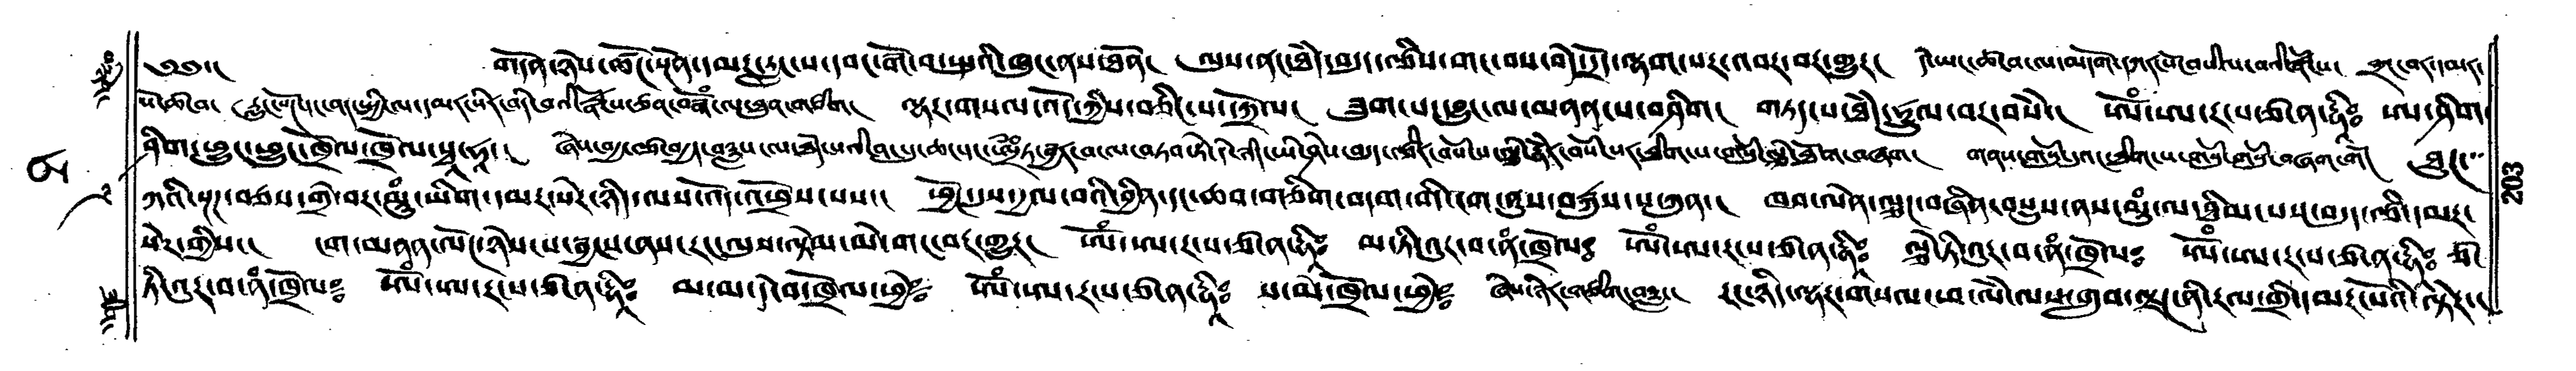གདོན་ཉེས་ཚོགས་སྔོ་དམར་རླངས་པ་དབང་སྒོ་བ་སྤུའི་ཁུང་ནས་ཐོན། །ལུས་ནང་ཐམས་ཅད་བདུད་རྩིས་གང་བས་བདཻ་དྲོད་ལྷག་པར་འབར་བར་གྱུར། དེ་ཡང་ཚ་བ་ལ་མདོག་དཀར་པོ་བསིལ་བའི་རྣམ་པ། གྲང་བར་དམར་
པོ་ཚ་བའི་རྣམ་པ། རླུང་སོགས་དང་ནད་སྤྱི་ལ་དམར་སེར་བདེ་བའི་རྣམ་པ་ཅན་བསྒོམ་ལ་ཐུན་གཅིག ལྷར་གསལ་འོད་ཀྱིས་བཅིང་པ་ཀྲོལ། །ཟུག་པ་དབྱུང་ལ་མནན་པ་བཤིག །གཏད་པ་ཐམས་ཅད་ཧྲུལ་བར་བསམ། ཨོཾ་ཨ་ར་པ་ཙ་ན་དྷཱིཿ ཨ་ཤིག་
ཤིག་ཕྱུང་ཕྱུང་ཁྲོལ་ཁྲོལ་སྭ་ཧཱ། ཞེས་བརྒྱ་རྩ་བརྒྱད་བཟླས་ལ་ཐོད་པའི་ནང་དུ་ཆང་དང་ཨ་མྲྀ་ཏ་སྦྱར་བ་ལ་བཏབ་སྟེ་དེ་ཉིད་ཡེ་ཤེས་བདུད་རྩིར་མོས་པ་ལྕེ་རྡོ་རྗེར་བསམས་པའི་ཐོག་ཐིག་པ་གསུམ་བཞགགནས་གསུམ་དུའང་ཐིག་པ་གསུམ་གསུམ་བཞག་གོ ཐུགས་
ཀའི་སྔགས་བཅས་གྲེ་པར་མཱུཾ་ཡིག་དམར་སེར་ཉིད་ལས་འོད་འཕྲོས་པས། །ཕྱོགས་དུས་རྒྱལ་བའི་བྱིན་དང་ཆབས་གཅིག་བདག་གི་ངག་ནུས་བརྐུས་པ་ཀུན། ཁབ་ལེན་ལྕགས་བཞིན་བསྡུས་ནས་མཱུཾ་ལ་ཐིམ་པས་བདུད་རྩི་དམར་
སེར་གྱིས། །ངག་མནན་ལ་སོགས་ཉེས་པ་སྦྱངས་ནས་རང་ལུས་ལྟེམ་མེ་གང་བར་གྱུར། ཨོཾ་ཨ་ར་པ་ཙ་ན་དྷཱིཿ མ་ཏེ་འུར་བ་ནཾ་ཁྲོལཿ ཨོཾ་ཨ་ར་པ་ཙ་ན་དྷཱིཿ ལྕེ་ཏི་འུར་བ་ནཾ་ཁྲོལཿ ཨོཾ་ཨ་ར་པ་ཙ་ན་དྷཱིཿ ཙ་
ཏི་འུར་བ་ནཾ་ཁྲོལ༔ ཨོཾ་ཨ་ར་པ་ཙ་ན་དྷཱིཿ མ་མ་དཱེ་བ་ཁྲོལ་ཕྱེ༔ ཨོཾ་ཨ་ར་པ་ཙ་ན་དྷཱིཿ ས་མེ་ཁྲོལ་ཕྱེ༔ ཞེས་ཉེར་གཅིག་བཟླ། རང་ཉིད་ལྷར་གསལ་ཕ་ལམ་ལས་གྲུབ་ལྗགས་ནི་རལ་གྲི་དམར་པོའི་ལྟེར།